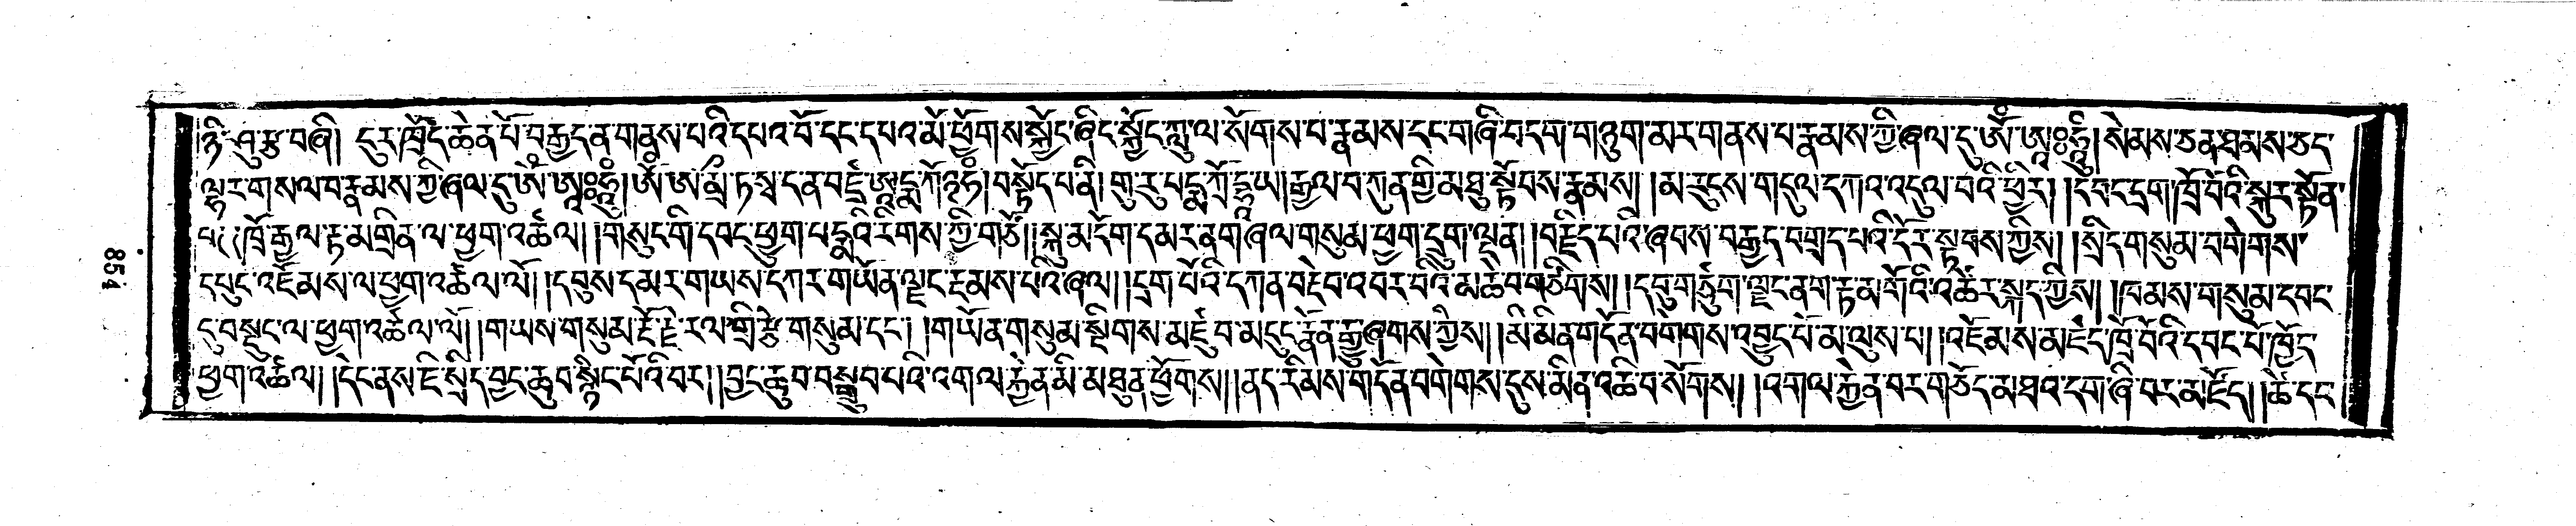ཉི་ཤུ་རྩ་བཞི། དུར་ཁྲོད་ཆེན་པོ་བརྒྱད་ན་གནས་པའི་དཔའ་བོ་དང་དཔའ་མོ་ཕྱོགས་སྐྱོང་ཞིང་སྐྱོང་ཀླུ་ལ་སོགས་པ་རྣམས་དང་གཞི་བདག་གཉུག་མར་གནས་པ་རྣམས་ཀྱི་ཞལ་དུ་ཨོཾ་ཨཱཿ ཧཱུཾ། སེམས་ཅན་ཐམས་ཅད་
ལྷར་གསལ་བ་རྣམས་ཀྱི་ཞལ་དུ་ཨོཾ་ཨཱཿ ཧཱུཾ། ཨོཾ་ཨ་མྲྀ་ཏ་སྭ་ད་ན་བཛྲ་ཨཱདམ་ཀོ་ཉཧཾ། བསྟོད་པ་ནི། གུ་རུ་པདམ་ཀྲོ་དྷཱ་ཡ། རྒྱལ་བ་ཀུན་གྱི་མཐུ་སྟོབས་རྣམས། །མ་རུངས་གདུལ་དཀའ་འདུལ་བའི་ཕྱིར། །དབང་དྲག་ཁྲོ་བོའི་སྐུར་སྟོན་
པ། །ཁྲོ་རྒྱལ་རྟ་མགྲིན་ལ་ཕྱག་འཚལ། །གསུང་གི་དབང་ཕྱུག་པདམའི་རིགས་ཀྱི་གཙོ། །སྐུ་མདོག་དམར་ནག་ཞལ་གསུམ་ཕྱག་དྲུག་ལྡན། །བརྗིད་པའི་ཞབས་བརྒྱད་བགྲད་པའི་ངོར་སྟབས་ཀྱིས། །སྲིད་གསུམ་བགེགས་
དཔུང་འཇོམས་ལ་ཕྱག་འཚལ་ལོ། །དབུས་དམར་གཡས་དཀར་གཡོན་ལྗང་རྔམས་པའི་ཞལ། །དྲག་པོའི་དཀན་བརྡེབ་འབར་བའི་མཆེ་བ་གཙིགས། །དབུ་གཙུག་ལྗང་ནག་རྟ་མགོའི་འཚེར་སྐད་ཀྱིས། །ཁམས་གསུམ་དབང་
དུ་བསྡུད་ལ་ཕྱག་འཚལ་ལོ། །གཡས་གསུམ་རྡོ་རྗེ་རལ་གྲི་རྩེ་གསུམ་དང་། །གཡོན་གསུམ་སྡིགས་མཛུབ་མདུང་རྣོན་རྒྱུ་ཞགས་ཀྱིས། །མི་མིན་གདོན་བགེགས་འབྱུང་པོ་མ་ལུས་པ། །འཇོམས་མཛད་ཁྲོ་བོའི་དབང་པོ་ཁྱོད་
ཕྱག་འཚལ། །དེང་ནས་ཇི་སྲིད་བྱང་ཆུབ་སྙིང་པོའི་བར། །བྱང་ཆུབ་བསྒྲུབ་པའི་འགལ་རྐྱེན་མི་མཐུན་ཕྱོགས། །ནད་རིམས་གདོན་བགེགས་དུས་མིན་འཆི་བ་སོགས། །འགལ་རྐྱེན་བར་གཅོད་མཐའ་དག་ཞི་བར་མཛོད། །ཚེ་དང་